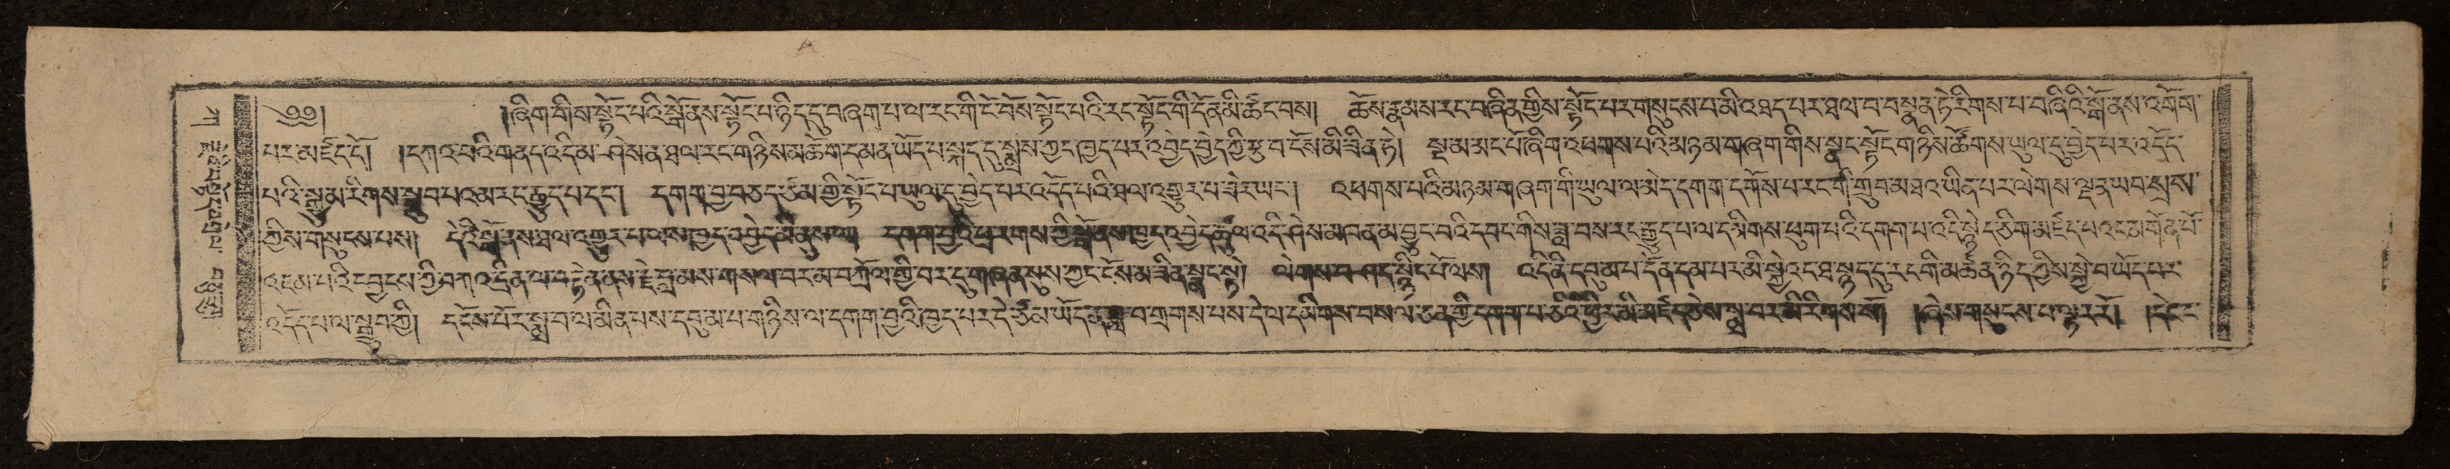༄༅། །ཞིག་གིས་སྟོང་བའི་སྒོ་ནས་སྟོང་པ་ཉིད་དུ་བཞག་པ་ལ་རང་གི་ངོ་བོས་སྟོང་པའི་རང་སྟོང་གི་དོན་མི་ཚང་པས། ཆོས་རྣམས་རང་བཞིན་གྱིས་སྟོང་བར་གསུངས་པ་མི་འཐད་པར་ཐལ་བ་བསྣན་ཏེ་རིགས་པ་བཞིའི་སྒོ་ནས་འགོག་
པར་མཛད་དེ། །དཀའ་བའི་གནད་འདི་མ་ཤེས་ན་ཐལ་རང་གཉིས་མཆོག་དམན་ཡོད་པ་སྐད་དུ་སྨྲས་ཀྱང་ཁྱད་པར་འབྱེད་བྱེད་ཀྱི་རྩ་བ་ངོས་མི་ཟིན་ཏེ། སྔ་མ་མང་པོ་ཞིག་འཕགས་པའི་མཉམ་གཞག་གིས་སྣང་སྟོང་གཉིས་ཚོགས་ཡུལ་དུ་བྱེད་པར་འདོད་
པའི་སྒྱུ་མ་རིགས་སྒྲུབ་བའམ་རང་རྒྱུད་བ་དང་། དགག་བྱ་བཅད་ཙམ་གྱི་སྟོང་པ་ཡུལ་དུ་བྱེད་པར་འདོད་པའི་ཐལ་འགྱུར་བ་ཟེར་ཡང་། འཕགས་པའི་མཉམ་གཞག་གི་ཡུལ་ལ་མེད་དགག་དགོས་པ་རང་གི་གྲུབ་མཐའ་ཡིན་པར་ལེགས་ལྡན་ཡབ་སྲས་
ཀྱིས་གསུངས་པས། དེའི་སྒོ་ནས་ཐལ་འགྱུར་བ་ལས་ཁྱད་འབྱེད་མི་ནུས་ལ། དགག་བྱའི་ཕྲ་རགས་ཀྱི་སྒོ་ནས་ཁྱད་འབྱེད་ཚུལ་འདི་ཤེས་མཁན་མ་བྱུང་བའི་དབང་གིས་ཟླ་བས་རང་རྒྱུད་པ་ལ་དམིགས་ཕུག་པའི་དགག་པ་འདི་སྙེད་ཅིག་མཛད་པའང་མགོན་པོ་
འཇམ་པའི་དབྱངས་ཀྱི་བཀའ་དྲིན་ལ་བརྟེན་ནས་རྗེ་བླ་མས་གསལ་བར་མ་བཀྲོལ་གྱི་བར་དུ་གཞན་སུས་ཀྱང་ངོས་མ་ཟིན་སྣང་སྟེ། ལེགས་བཤད་སྙིང་པོ་ལས། འདི་ནི་དབུ་མ་བ་དོན་དམ་པར་མི་སྐྱེའང་ཐ་སྙད་དུ་རང་གི་མཚན་ཉིད་ཀྱིས་སྐྱེ་བ་ཡོད་པར་
འདོད་པ་ལ་སྒྲུབ་ཀྱི། དངོས་པོར་སྨྲ་བ་ལ་མིན་པས་དབུ་མ་བ་གཉིས་ལ་དགག་བྱའི་ཁྱད་པར་དེ་ཙམ་ཡོད་ན་ཟླ་བ་གྲགས་པས་དེ་ལ་དམིགས་པ་ཕལ་ཅན་གྱི་དགག་བ་ཅིའི་ཕྱིར་མི་མཛད་ཅེས་སྨྲ་བར་མི་རིགས་སོ། །ཞེས་གསུངས་པ་ལྟར་རོ། །དེའང་